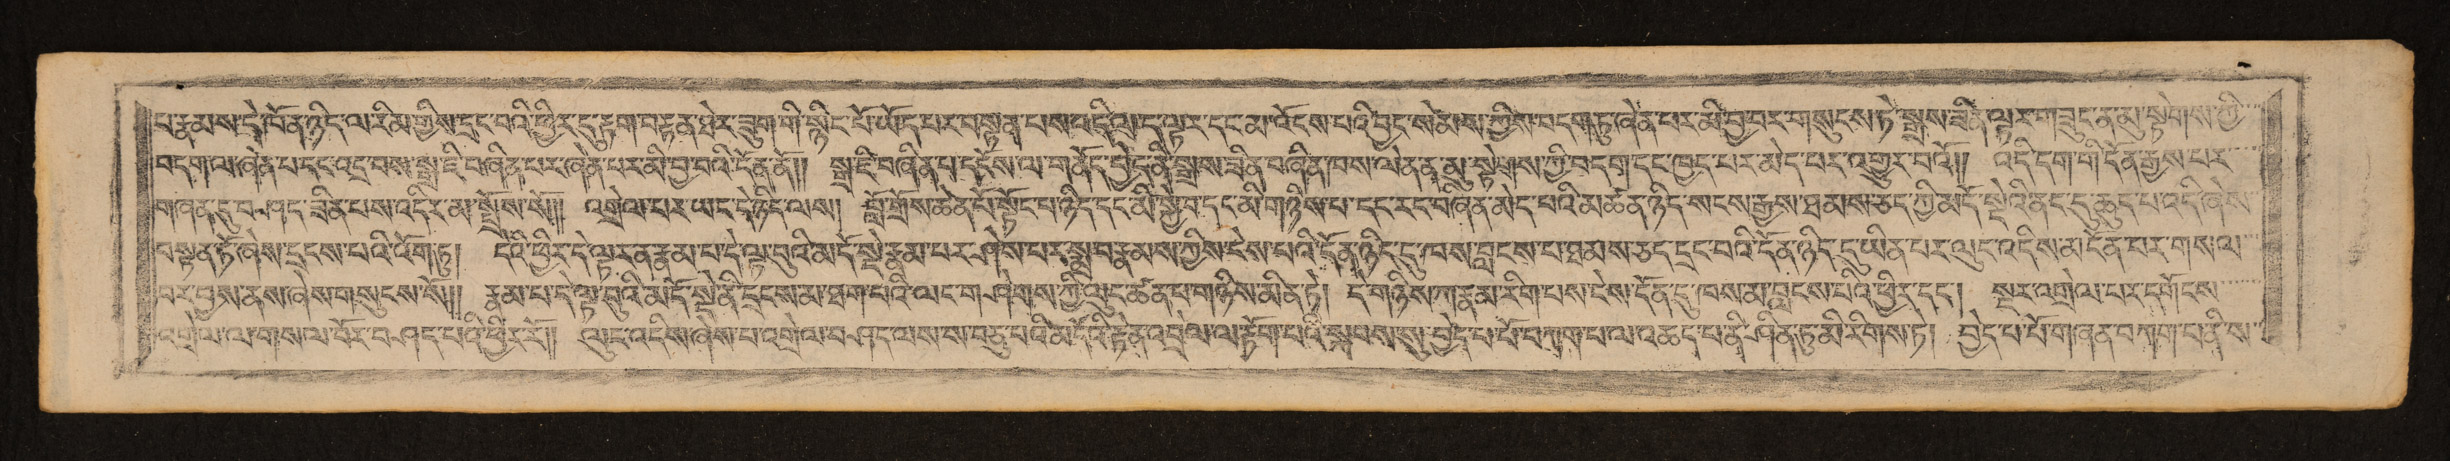པ་རྣམས་དེ་ཁོ་ན་ཉིད་ལ་རིམ་གྱིས་དྲང་བའི་ཕྱིར་དུ་རྟག་བརྟན་ཐེར་ཟུག་གི་སྙིང་པོ་ཡོད་པར་བསྟན་པས་འདི་ལ་ད་ལྟར་དང་མ་འོངས་པའི་བྱང་སེམས་ཀྱིས་བདག་ཏུ་ཞེན་པར་མི་བྱ་བར་གསུངས་ཏེ་སྒྲས་ཟིན་ལྟར་གཟུང་ན་མུ་སྟེགས་ཀྱི་
བདག་ལ་ཞེན་པ་དང་འདྲ་བས་སྒྲ་ཇི་བཞིན་པར་ཞེན་པར་མི་བྱ་བའི་དོན་ནོ།། སྒྲ་ཇི་བཞིན་པ་དངོས་ལ་གནོད་བྱེད་ནི་སྒྲས་ཟིན་བཞིན་ཁས་ལེན་ན་མུ་སྟེགས་ཀྱི་བདག་དང་ཁྱད་པར་མེད་པར་འགྱུར་བའོ།། འདི་དག་གི་དོན་རྒྱས་པར་
གཞན་དུ་བཤད་ཟིན་པས་འདིར་མ་སྤྲོས་སོ།། འགྲེལ་པར་ཡང་དེ་ཉིད་ལས། བློ་གྲོས་ཆེན་པོ་སྟོང་པ་ཉིད་དང་མི་སྐྱེ་བ་དང་མི་གཉིས་པ་དང་རང་བཞིན་མེད་པའི་མཚན་ཉིད་སངས་རྒྱས་ཐམས་ཅད་ཀྱི་མདོ་སྡེའི་ནང་དུ་ཆུད་པ་འདི་ཞེས་
བསྟན་ཏོ་ཞེས་དྲངས་པའི་འོག་ཏུ། དེའི་ཕྱིར་དེ་ལྟར་ན་རྣམ་པ་དེ་ལྟ་བུའི་མདོ་སྡེ་རྣམ་པར་ཤེས་པར་སྨྲ་པ་རྣམས་ཀྱིས་ངེས་པའི་དོན་ཉིད་དུ་ཁས་བླངས་པ་ཐམས་ཅད་དྲང་བའི་དོན་ཉིད་དུ་ཡིན་པར་ལུང་འདིས་མངོན་པར་གསལ་
བར་བྱས་ནས་ཞེས་གསུངས་སོ།། རྣམ་པ་དེ་ལྟ་བུའི་མདོ་སྡེ་ནི་དྲངས་མ་ཐག་པའི་ལང་གཤེགས་ཀྱི་ལུང་ཚན་པ་གཉིས་མིན་ཏེ། དེ་གཉིས་ཀ་རྣམ་རིག་པས་ངེས་དོན་དུ་ཁས་མ་བླངས་པའི་ཕྱིར་དང་། སྔར་འགྲེལ་པར་དགོངས་
འགྲེལ་ལ་གསལ་པོར་བཤད་པའི་ཕྱིར་རོ།། ལུང་འདིས་ཞེས་པ་འགྲེལ་བཤད་ལས་ས་བཅུ་པའི་མདོའི་རྟེན་འབྲེལ་ལ་རྟོག་པའི་སྐབས་སུ་བྱེད་པ་པོ་བཀག་པ་ལ་འཆད་པ་ནི་ཤིན་ཏུ་མི་རིགས་ཏེ། བྱེད་པ་པོ་གཞན་བཀག་པ་ནི་ས་